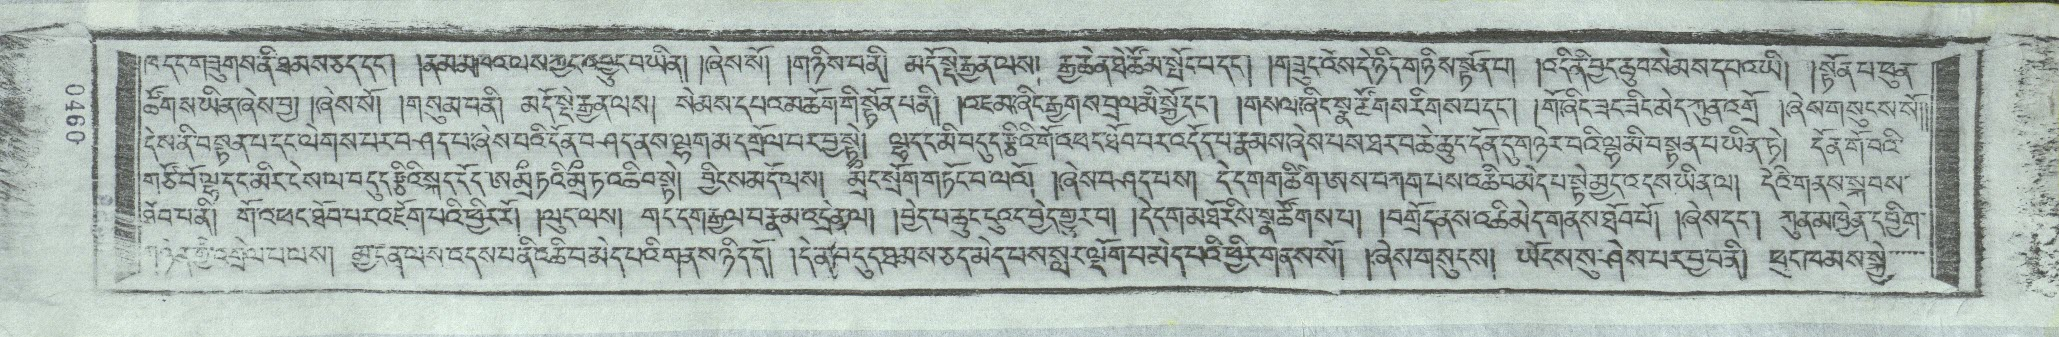ཁ་དང་གཟུགས་ནི་ཐམས་ཅད་དང་། །ནམ་མཁའ་ལས་ཀྱང་འབྱུང་བ་ཡིན། །ཞེས་སོ། །གཉིས་པ་ནི། མདོ་སྡེ་རྒྱན་ལས། རྒྱ་ཆེན་ཐེ་ཚོམ་སྤོང་བ་དང་། །གཟུང་འེས་དེ་ཉིད་གཉིས་སྟོན་པ། །འདི་ནི་བྱང་ཆུབ་སེམས་དཔའ་ཡི། །སྟོན་པ་ཕུན་
ཚོགས་ཡིན་ཞེས་བྱ། །ཞེས་སོ། །གསུམ་པ་ནི། མདོ་སྡེ་རྒྱན་ལས། སེམས་དཔའ་མཆོག་གི་སྟོན་པ་ནི། །འཇམ་ཞིང་རྒྱགས་བྲལ་མི་སྐྱོ་དང་། །གསལ་ཞིང་སྣ་ཚོགས་རིགས་པ་དང་། །གོ་ཞིང་ཟང་ཟིང་མེད་ཀུན་འགྲོ་།ཞེས་གསུངས་སོ།།
དེས་ནི་བསྟན་པ་དང་ལེགས་པར་བཤད་པ་ཞེས་པའི་དོན་བཤད་ནས་ལྷག་མ་དགྲོལ་བར་བྱ་སྟེ། ལྷ་དང་མི་བདུད་རྩིའི་གོ་འཕང་ཐོབ་པར་འདོད་པ་རྣམས་ཞེས་པས་ཐར་པ་ཆེ་ཆུང་དོན་དུ་གཉེར་བའི་ལྷ་མི་བསྟན་པ་ཡིན་ཏེ། དོན་གོ་བའི་
གཙོ་བོ་ལྷ་དང་མིར་ངེས་ལ་བདུད་རྩིའི་སྐད་དོད་ཨམྲྀ་ཏའི་མྲྀ་ཏ་འཆི་བ་སྟེ། བྱིངས་མདོ་ལས། མྲྀང་སྲོག་གཏོང་བ་ལའོ། །ཞེས་བཤད་པས། དེ་དགག་ཚིག་ཨས་བཀག་པས་འཆི་བ་མེད་པ་སྟེ་མྱང་འདས་ཡིན་ལ། དེའི་གནས་སྐབས་
ཐོབ་པ་ནི། གོ་འཕང་ཐོབ་པར་འཇོག་པའི་ཕྱིར་རོ། །ལུང་ལས། གང་དག་རྒྱལ་བ་རྣམ་འདྲེན་ལ། །བྱེད་པ་ཆུང་དུའང་བྱེད་གྱུར་པ། །དེ་དག་མཐོ་རིས་སྣ་ཚོགས་པ། །བགྲོད་ནས་འཆི་མེད་གནས་ཐོབ་པོ། །ཞེས་དང་། ཀུན་མཁྱེན་དབྱིག་
གཉེན་གྱི་འགྲེལ་བ་ལས། མྱ་ངན་ལས་འདས་པ་ནི་འཆི་བ་མེད་པའི་གནས་ཉིད་དོ། །དེ་ན་བདུད་ཐམས་ཅད་མེད་པས་སླར་ལྡོག་པ་མེད་པའི་ཕྱིར་གནས་སོ། །ཞེས་གསུངས། ཡོངས་སུ་ཤེས་པར་བྱ་བ་ནི། ཕུང་ཁམས་སྐྱེ་